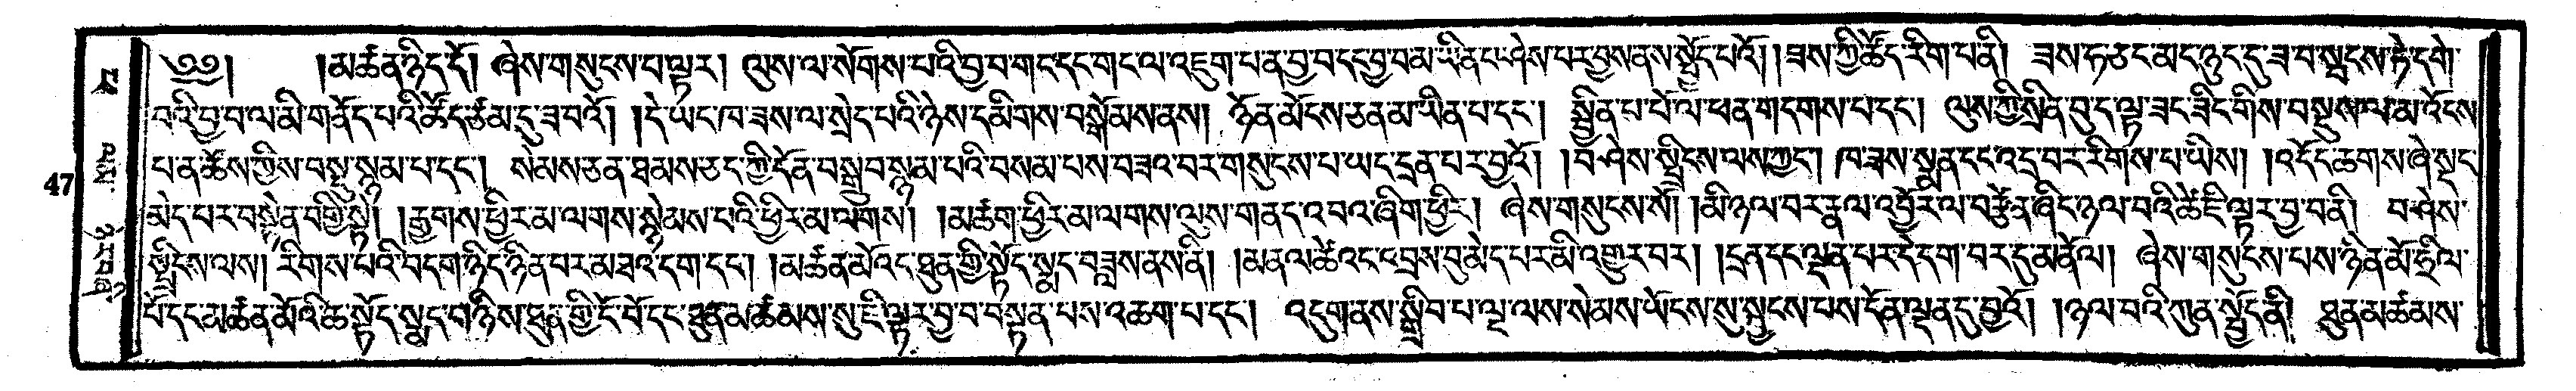༄༅། །མཚན་ཉིད་དོ། ཞེས་གསུངས་པ་ལྟར། ལུས་ལ་སོགས་པའི་བྱ་བ་གང་དང་གང་ལ་འཇུག་པ་ན་བྱ་བ་དང་བྱ་བ་མ་ཡིན་པ་ཤེས་པར་བྱས་ནས་སྤྱོད་པའོ། །ཟས་ཀྱི་ཚོད་རིག་པ་ནི་། ཟས་ཧ་ཅང་མང་ཉུང་དུ་ཟས་བ་སྦངས་ཏེ་དགེ་
བའི་བྱ་བ་ལ་མི་གནོད་པའི་ཚོད་ཙམ་དུ་ཟ་བའོ། །དེ་ཡང་ཁ་ཟས་ལ་སྲེད་པའི་ཉེས་དམིགས་བསྒོམས་ནས། ཉོན་མོངས་ཅན་མ་ཡིན་པ་དང་། སྦྱིན་པ་པོ་ལ་ཕན་གདགས་པ་དང་། ལུས་ཀྱི་སྲིན་བུ་ད་ལྟ་ཟང་ཟིང་གིས་བསྡུས་ལ་མ་འོངས་
པ་ན་ཆོས་ཀྱིས་བསྡུ་སྙམ་པ་དང་། སེམས་ཅན་ཐམས་ཅད་ཀྱི་དོན་བསྒྲུབ་བ་སྙམ་པའི་བསམ་པས་བཟའ་བར་གསུངས་པ་ཡང་དྲན་པར་བྱའོ། །བཤེས་སྤྲིངས་ལས་ཀྱང་། ཁ་ཟས་སྨན་དང་འདྲ་བར་རིགས་པ་ཡིས། འདོད་ཆགས་ཞེ་སྡང་
མེད་པར་བསྟེན་བགྱི་སྟེ། །རྒྱགས་ཕྱིར་མ་ལགས་སྙེམས་པའི་ཕྱིར་མ་ལགས། །མཚག་ཕྱིར་མ་ལགས་ལུས་གནད་འབའ་ཞིག་ཕྱིར། ཞེས་གསུངས་སོ། །མི་ཉལ་བར་རྣལ་འབྱོར་ལ་བརྩོན་ཞིང་ཉལ་བའི་ཚེ་ཇི་ལྟར་བྱ་བ་ནི། བཤེས་
སྤྲིངས་ལས། རིགས་པའི་བདག་ཉིད་ཉིན་པར་མཐའ་དག་དང་། །མཚན་མོའང་ཐུན་གྱི་སྟོད་སྨད་བཟླས་ནས་ནི་། །མནལ་ཚེའང་འབྲས་བུ་མེད་པར་མི་འགྱུར་བར། །དྲན་དང་ལྡན་པར་དེ་དག་བར་དུ་མ་མནོལ། ཞེས་གསུངས་པས་ཉིན་མོ་ཧྲིལ་
པོ་དང་མཚན་མོའི་ཆ་སྟོད་སྨད་གཉིས་ཐུན་མཚམས་སུ་ཇི་ལྟར་བྱ་བ་བསྟན་པས་འཆག་པ་དང་། འདུག་ནས་སྒྲིབ་པ་ལྔ་ལས་སེམས་ཡོངས་སུ་སྦྱངས་པས་དོན་ལྡན་དུ་བྱའོ། །ཉལ་བའི་ཀུན་སྦྱོད་ནི། ཐུན་མཚམས་